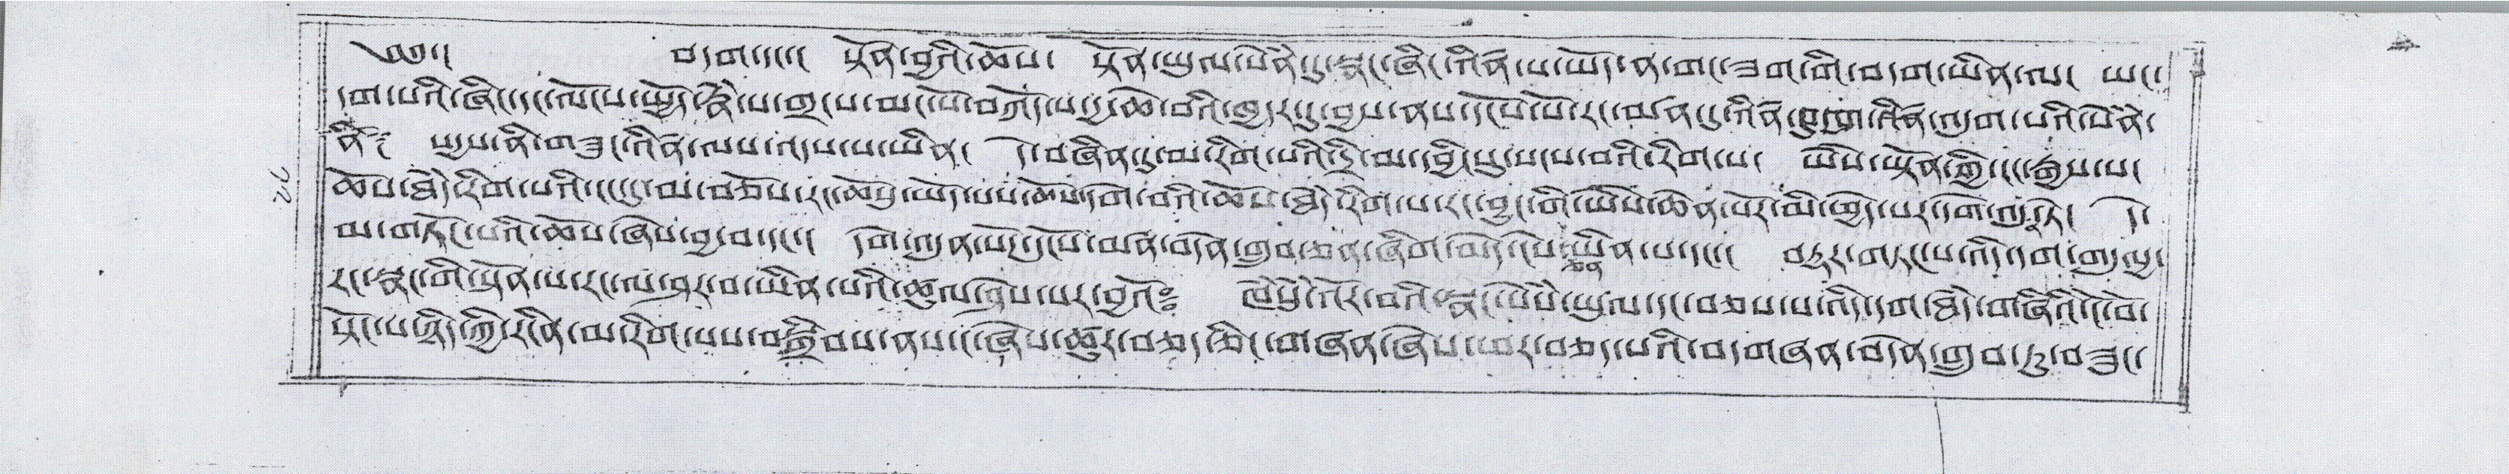བདག་དང་། བསྟན་བྱའི་ཆོས། སྟོན་ཡུལ་སེམས་ཅན་དུ་སྣང་ཞིང་འཛིན་པ་ཡོད་ན་གང་ཟག་གི་བདག་ཡིན་ལ། ཡང་
དག་པའི་ཞིང་དང་ལོངས་སྤྱོད་རྣམ་པ་གྲངས་མང་པོ་བཀོད་པ་རྒྱ་ཆེ་བའི་ཁྱད་པར་དུ་བྱས་ནས་དངོས་པོ་རང་མཚན་དུ་འཛིན་༼༽འདུག་པའི་སེམས་ཅན་
ནོ། སངས་རྒྱས་ནི་གཟུང་འཛིན་ལས་འདས་པ་ཡིན། དེ་བཞིན་དུ་མ་རིག་པའི་དྲི་མ་དབྱིངས་སུ་སངས་པའི་རིག་པ། ཡེ་ཤེས་ཡོན་ཏན་གྱི་ངང་རྒྱས་པ། 
ཆོས་ཐམས་རིག་པའི་ངང་དུ་མ་བཅོས་རང་ཆོས་སུ་ཡོད་པས་ཆོས་དགེ་བའི་ཆོས་ཐམས་ཅད་རིག་པ་རང་བྱུང་གི་ཡེ་ཤེས་ཆེན་པོར་མི་ཕྱེད་པར་དགེ་འདུན་སྟེ། དེ་
མ་གཏོགས་ཆོས་ཞེས་བྱ་བ་དང་། དགེ་འདུན་སོགས་དངོས་མཚན་བདེན་གྲུབ་ཅན་ཞིག་མེད་ངེས་ཅན་ཡིན་པ་དང་། བརྡར་བཏགས་པ་འདི་དག་གདུལ་བྱ་
རང་སྣང་གི་སྟོན་པ་རང་ལ་ཤར་བ་ཡིན་པའི་ཚུལ་ཤེས་པར་བྱའོ། ཁམས་གསུམ་འཁོར་བའི་སྣང་སེམས་ཡུལ་དང་བཅས་པ་འདི་དག་ཐམས་ཅད་གཞིའི་ངོ་བོ་
སྟོང་པ་ཉིད་ཀྱི་རང་བཞིན་མ་རིག་པས་བསྒྲིབས་ནས་ང་ཞེས་ཚུར་བཅད་ཅིང་གཞན་ཞེས་ཕར་བཅད་པའི་བདག་གཞན་བདེན་གྲུབ་ཏུ་བཟུང་